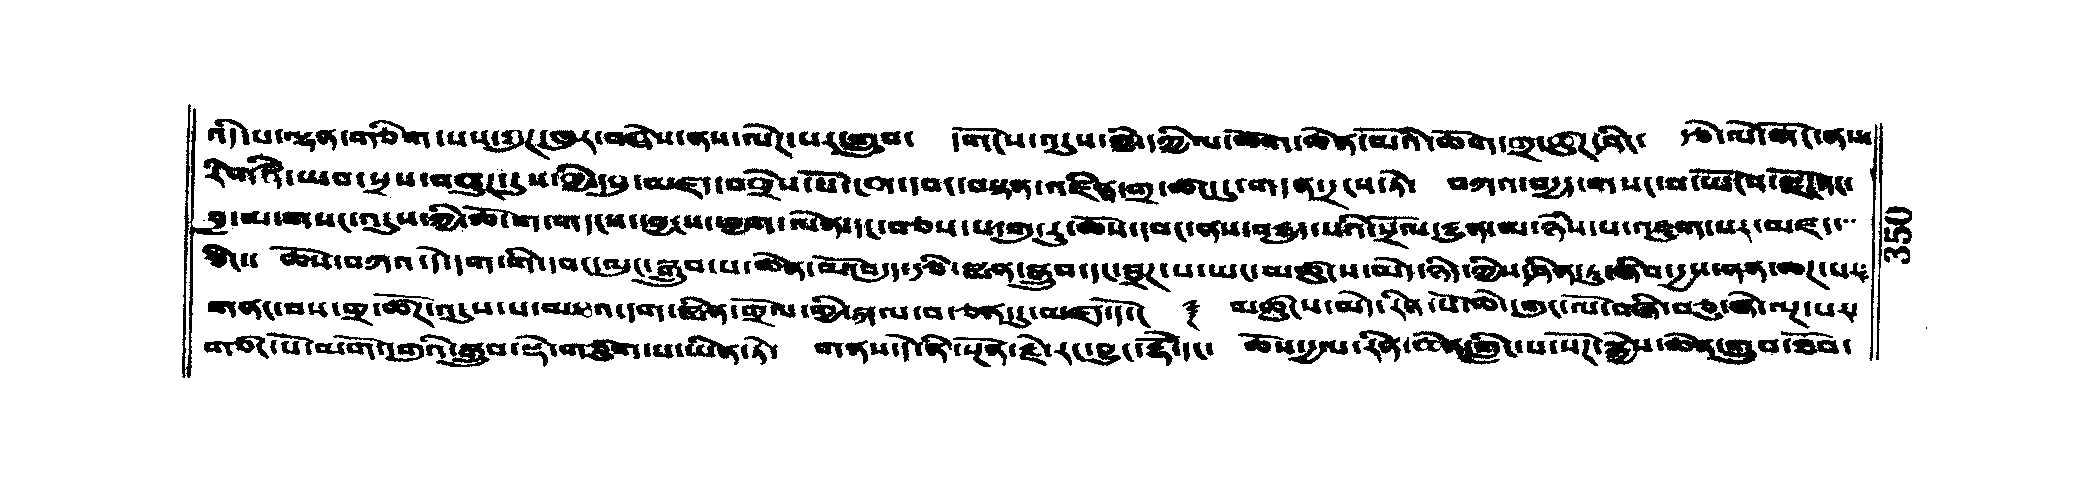འདི་པ་ལྷན་ཅིག་པས་ཐུགས་ཁུར་བཞེས་ནས་ལེགས་པར་གྲུབ། དགོངས་འདུས་ཀྱི་དཀྱིལ་ཆོག་ཆེན་མོའི་ཆོག་གྲྭ་ཚུགས་ཤིང་། རྩེ་ལེ་གོང་ནས་
རིག་འཛིན་ཡབ་སྲས་བཞུགས་དུས་ཀྱི་དབུ་མཛད་བགྲེས་པོ་ངག་དབང་བསྟན་འཛིན་གྲྭ་ཚང་དུ་གདན་དྲངས་ཏེ། བཀའ་བརྒྱད་གསང་བ་ཡོངས་རྫོགས་དང་། 
བླ་མ་གསང་འདུས་ཀྱི་ཆོ་ག་གདངས་དབྱངས་ཕྱག་ལེན་དང་བཅས་པ་གུ་རུ་ཆོས་དབང་ནས་བརྒྱུད་པའི་སྲོལ་རྒྱུན་མ་ཉམས་པ་འཛུག་པར་མཛད་
ཅིང་། ཆོས་བཀའ་དེ་དག་གི་དབང་ལུང་སྒྲུབ་པ་ཆེན་མོ་བདུད་རྩི་སྨན་སྒྲུབ་དང་སྦྲགས་པ་ཡང་མཚུགས་མེད་ཉིད་ཀྱིས་ཤིན་ཏུ་ཞིབ་རྒྱས་ནན་ཆགས་པར་
གནང་བས་གྲྭ་ཚོགས་འདུས་པ་མཐའ་དག་སྨིན་གྲོལ་གྱི་སྐལ་བ་ཅན་དུ་མཛད་དོ། ༈ མཚུངས་མེད་རིན་པོ་ཆེ་དགུང་ལོ་བཞི་བཅུ་ཞེ་ལྔ་པར་
གཙང་པོ་མགོ་དགུའི་སྒྲུབ་སྡེ་གཙུགས་པ་ཡིན་ཏེ། གནས་དེ་ནི་སྔོན་རྗེ་རང་བྱུང་རྡོ་རྗེ་དང་། ཆོས་རྒྱལ་རིན་ཆེན་གླིང་པ་སོགས་སྐྱེས་ཆེན་གྲུབ་ཐོབ་